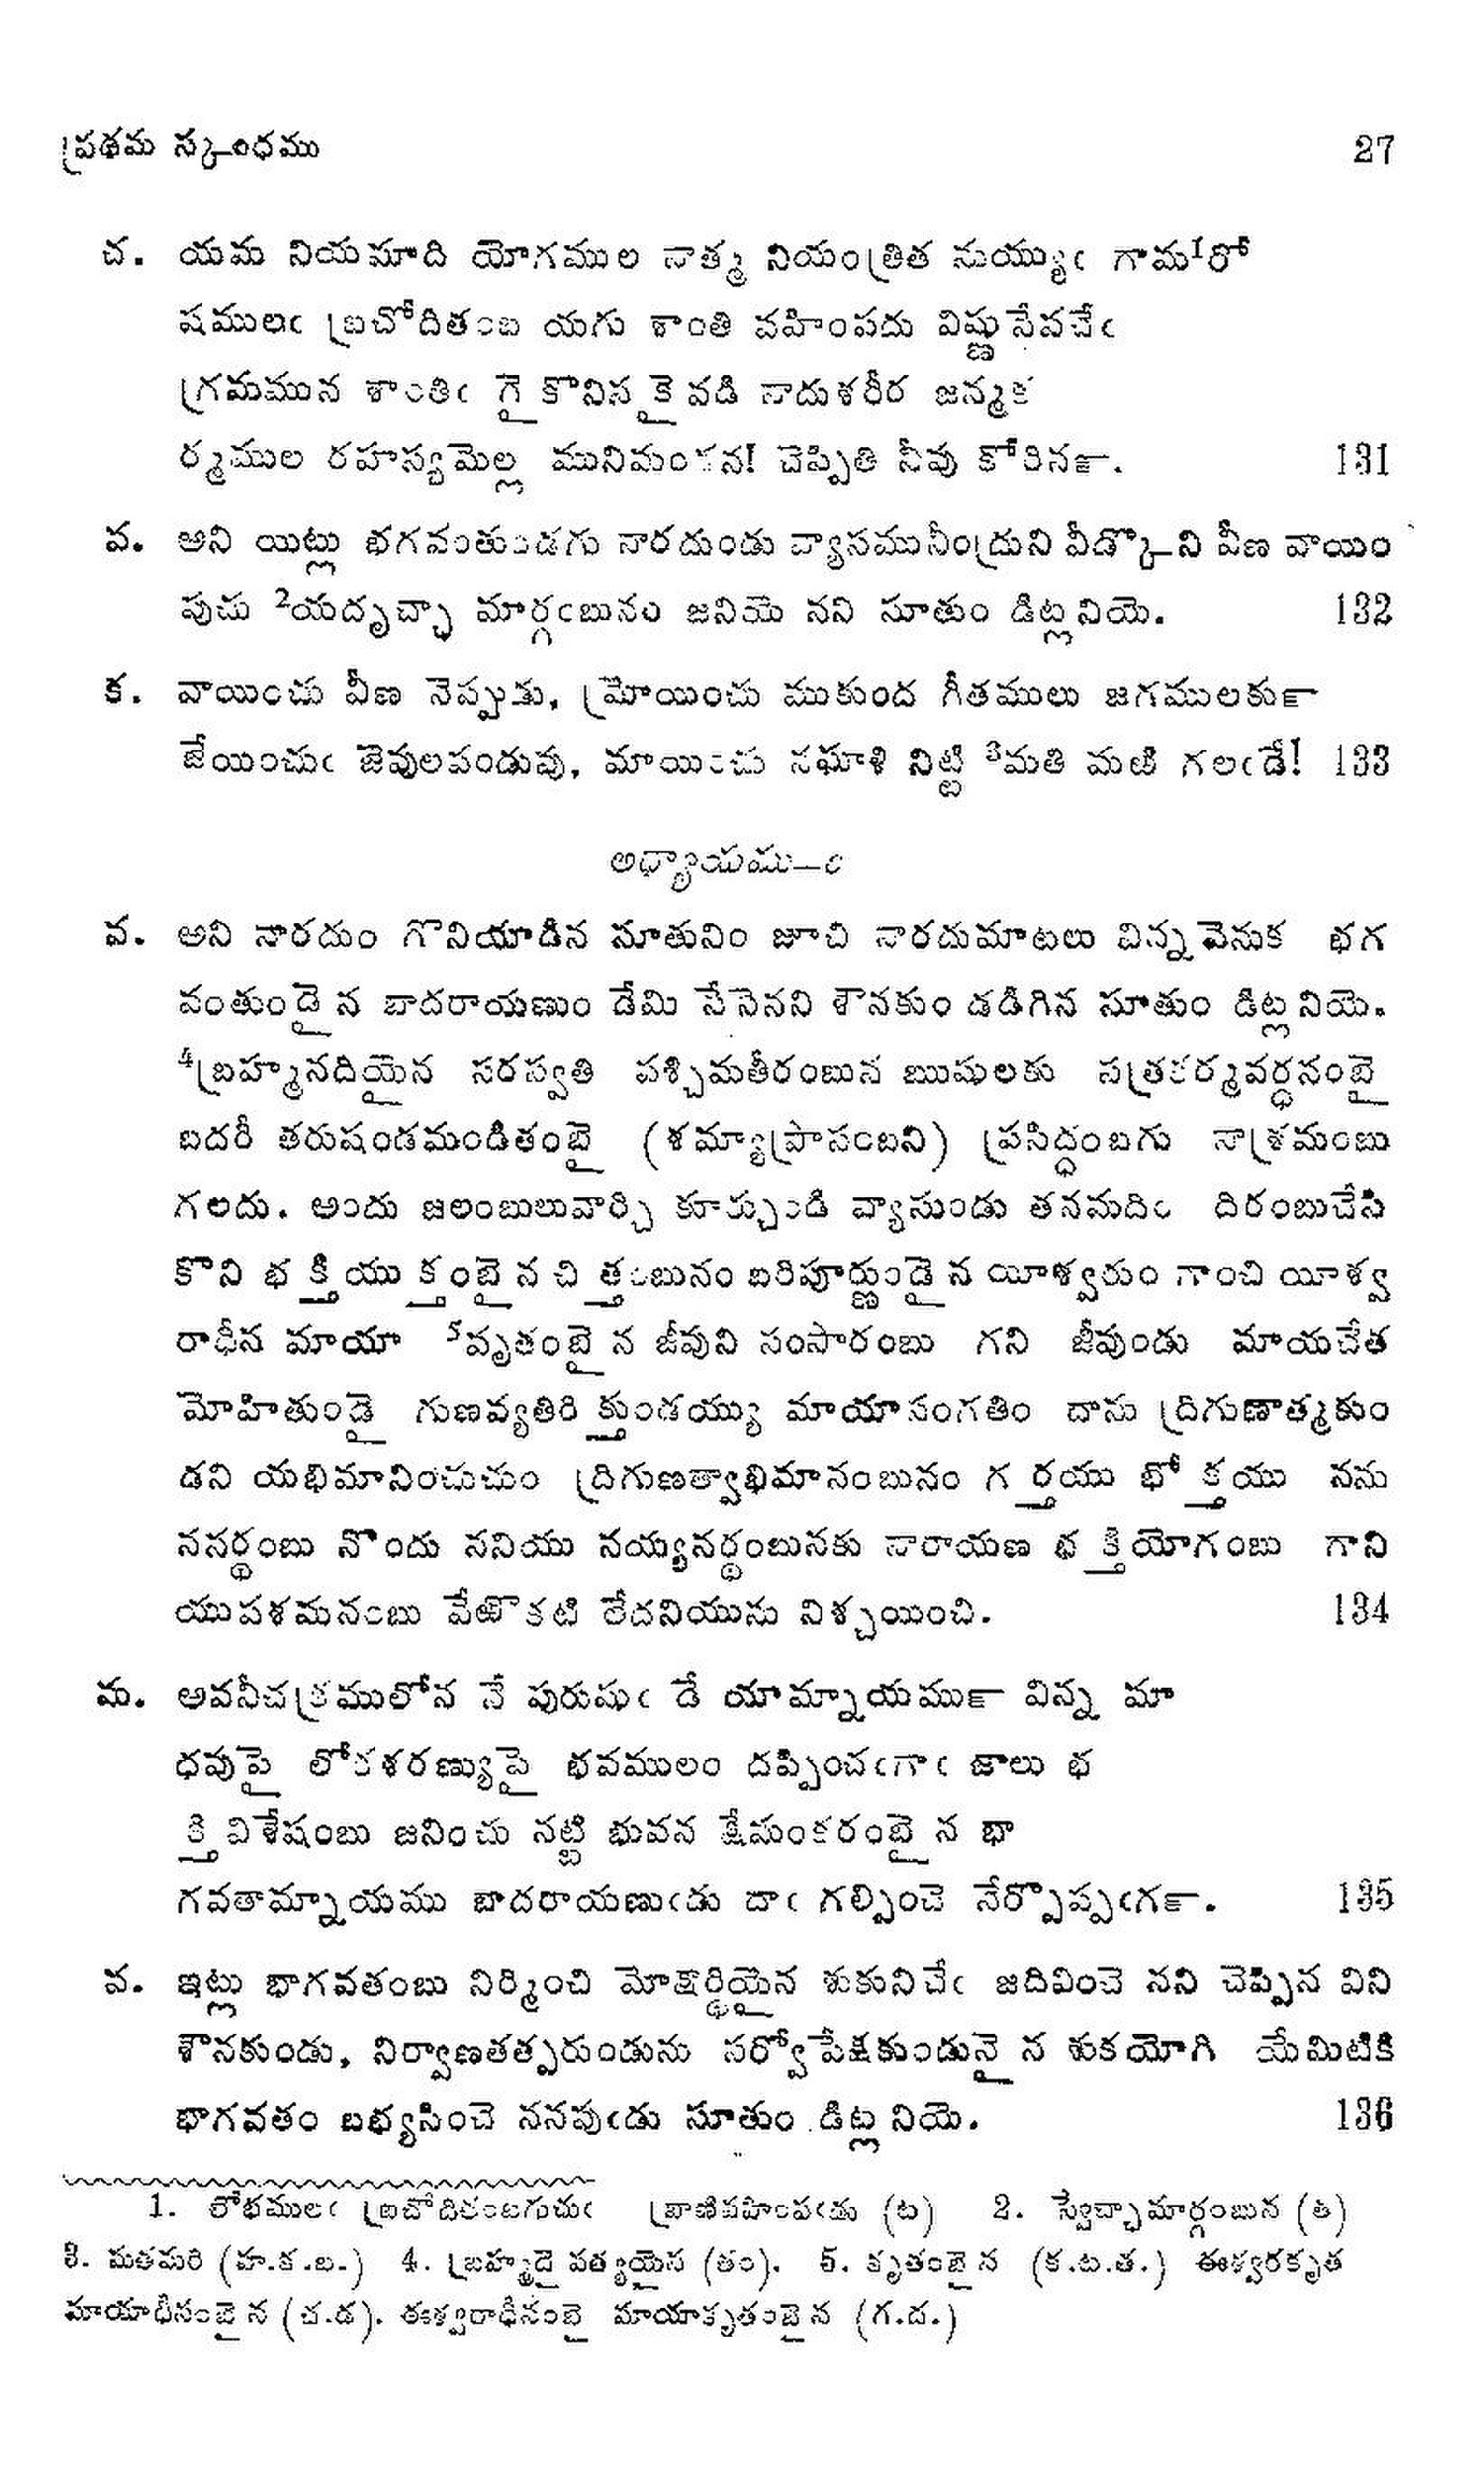27

చం. యమ నియమాది యోగముల నాత్మ నియంత్రితమయ్యుఁ గామ రో

షములఁ బ్రచోదితంబ యగు శాంతి వహింపదు విష్ణుసేవచేఁ

గ్రమమున శాంతిఁ గైకొనిన కైవడి నాదు శరీర జన్మ క

ర్మముల రహస్యమెల్ల మునిమండన ! చెప్పితి నీవు కోరినన్. (1-131)

వ. ఇట్లు భగవంతుండగు నారదుండు వ్యాసమునీంద్రుని వీడ్కొని వీణ వాయింపుచు యదృచ్ఛామార్గంబున జనియె నని సూతుండిట్లనియె.(1-132)

వ. వాయించు వీణ నెప్పుడు, మ్రోయించు ముకుందగీతములు జగములకున్

జేయించుఁ జెవుల పండువు, మాయించు నఘాళి ; నిట్టి మతి మఱి గలఁడే ! (1-133)

వ. అని నారదుం గొనియాడిన సూతుం జూచి "నారదు మాటలు విన్న వెనుక భగవంతుండైన బాదరాయణుండేమి సేసె" నని శౌనకుం డడిగిన సూతుం డిట్లనియె. బ్రహ్మనదియైన సరస్వతి పశ్చిమ తీరంబున ఋషులకు సత్రకర్మ వర్ధనంబై బదరీ తరుషండ మండితంబై (శమ్యాప్రాసంబని) ప్రసిద్ధంబగు నాశ్రమంబు గలదు. అందు జలంబులు వార్చి కూర్చుండి వ్యాసుండు తన మదిం దిరంబు చేసికొని భక్తియుక్తంబైన చిత్తంబునం బరిపూర్ణుండైన యీశ్వరుం గాంచి యీశ్వరాధీన మాయావృతంబైన జీవుని సంసారంబు గని జీవుండు మాయచేత మోహితుండై గుణవ్యతిరిక్తుండయ్యు మాయాసంగతిం దాను ద్రిగుణాత్మకుండని యభిమానించుచుం ద్రిగుణత్వాభిమానంబునం గర్తయు భోక్తయు నను ననర్థంబు నొందు ననియు నయ్యనర్థంబునకు నారాయణ భక్తియోగంబు గాని యుపశమనంబు వేఱొకటి లేదనియును నిశ్చయించి, (1-134)

మ. అవనీచక్రములోన నే పురుషుఁ డే యామ్నాయమున్ విన్న మా

ధవుపై లోకశరణ్యుపై భవములం దప్పింపఁగాఁ జాలు భ

క్తి విశేషంబు జనించు నట్టి భువన క్షేమంకరంబైన భా

గవతామ్నాయము బాదరాయణుఁడు దాఁ గల్పించె నేర్పొప్పఁగన్. (1-135)

వ. ఇట్లు భాగవతంబు నిర్మించి మోక్షార్థియైన శుకునిచేఁ జదివించె నని చెప్పిన విని శౌనకుండు, "నిర్వాణ తత్పరుండును సర్వోపేక్షకుండు నైన శుకయోగి యేమిటికి భాగవతం బభ్యసించె ?"ననవుడు సూతుం డిట్లనియె. (1-136)